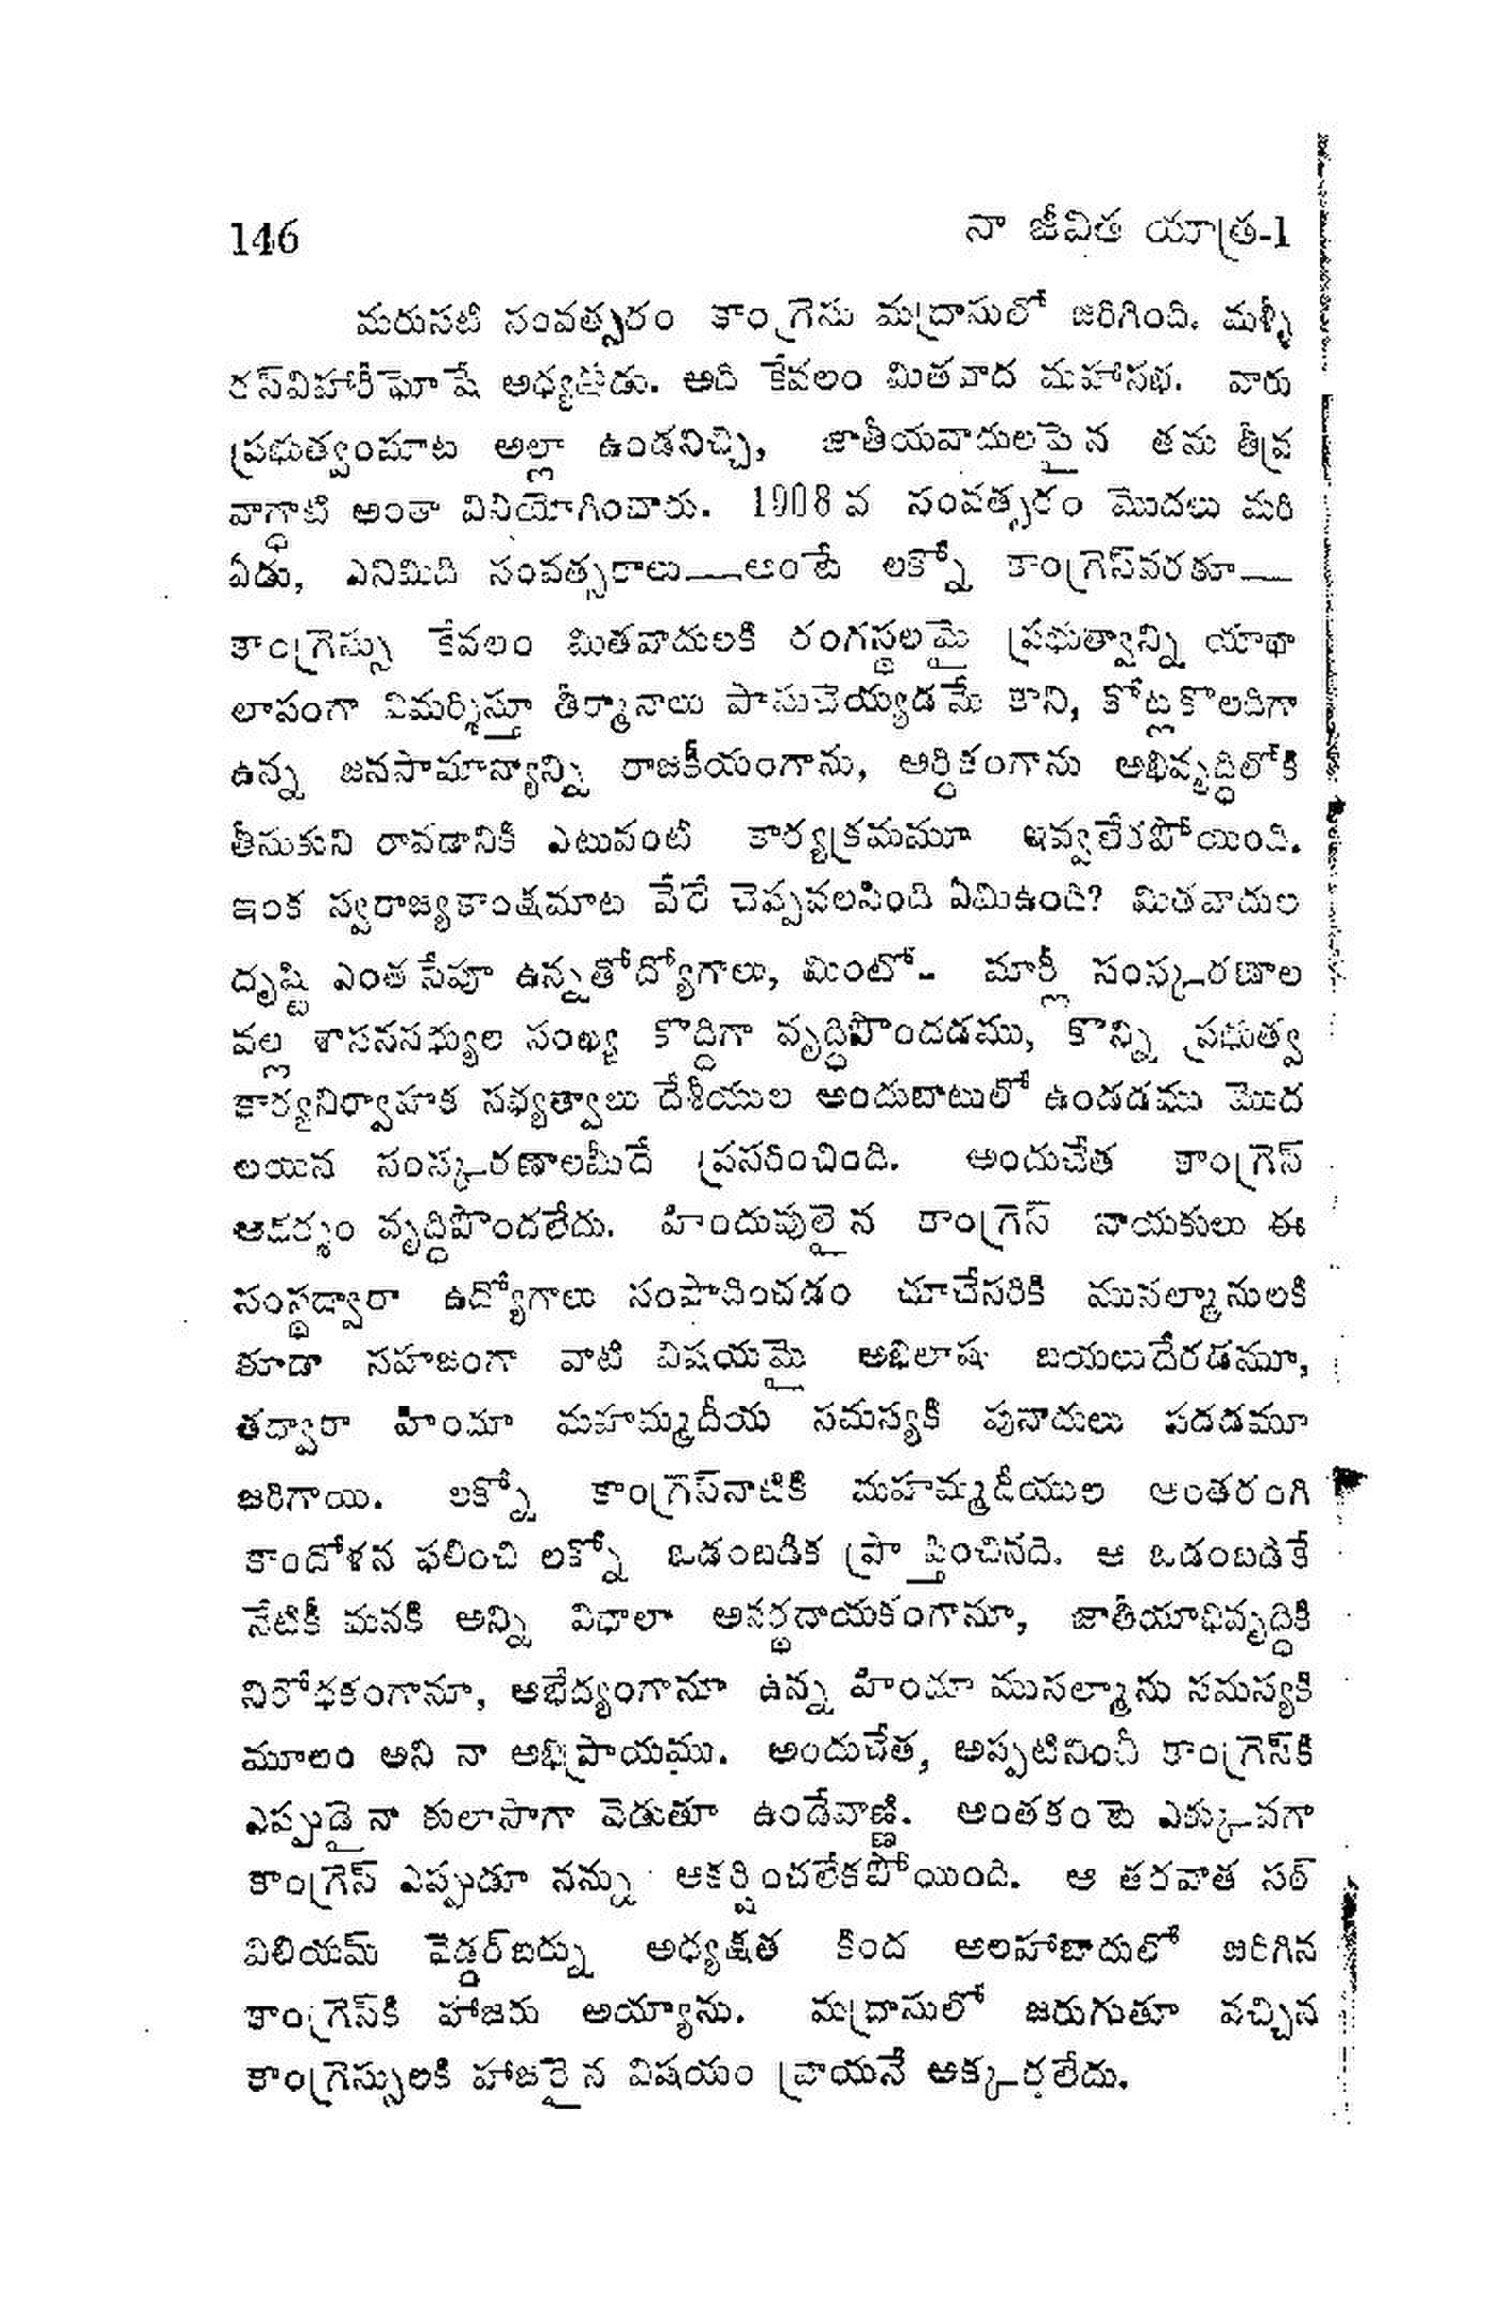మరుసటి సంవత్సరం కాంగ్రెసు మద్రాసులో జరిగింది. మళ్ళీ రస్‌విహారీఘోషే అధ్యక్షుడు. అది కేవలం మితవాద మహాసభ. వారు ప్రభుత్వంమాట అల్లా ఉండనిచ్చి, జాతీయవాదులపైన తమ తీవ్ర వాగ్ధాటి అంతా వినియోగించారు. 1908 వ సంవత్సరం మొదలు మరి ఏడు, ఎనిమిది సంవత్సరాలు - అంటే లక్నో కాంగ్రెస్‌వరకూ - కాంగ్రెస్సు కేవలం మితవాదులకి రంగస్థలమై ప్రభుత్వాన్ని యాథాలాపంగా విమర్శిస్తూ తీర్మానాలు పాసుచెయ్యడమే కాని, కోట్లకొలదిగా ఉన్న జనసామాన్యాన్ని రాజకీయంగాను, ఆర్ధికంగాను అభివృద్ధిలోకి తీసుకుని రావడానికి ఎటువంటి కార్యక్రమమూ ఇవ్వలేకపోయింది. ఇంక స్వరాజ్యకాంక్షమాట వేరే చెప్పవలసింది ఏమిఉంది? మితవాదుల దృష్టి ఎంత సేపూ ఉన్నతోద్యోగాలు, మింటో - మార్లీ సంస్కరణాల వల్ల శాసనసభ్యుల సంఖ్య కొద్దిగా వృద్ధిపొందడము, కొన్ని ప్రభుత్వ కార్యనిర్వాహక సభ్యత్వాలు దేశీయుల అందుబాటులో ఉండడము మొదలయిన సంస్కరణాలమీదే ప్రసరించింది. అందుచేత కాంగ్రెస్ ఆదర్శం వృద్ధి పొందలేదు. హిందువులైన కాంగ్రెస్ నాయకులు ఈ సంస్థద్వారా ఉద్యోగాలు సంపాదించడం చూచేసరికి ముసల్మానులకి కూడా సహజంగా వాటి విషయమై అభిలాష బయలుదేరడమూ తద్వారా హిందూ మహమ్మదీయ సమస్యకి పునాదులు పడడమూ జరిగాయి. లక్నో కాంగ్రెస్‌నాటికి మహమ్మదీయుల అంతరంగికాందోళన ఫలించి లక్నో ఒడంబడిక ప్రాప్తించింది. ఆ ఒడంబడికే నేటికి మనకి అన్ని విధాలా అనర్థదాయకం గానూ, జాతీయాభివృద్ధికి నిరోధకంగానూ, అభేద్యంగానూ ఉన్న హిందూ ముసల్మాను సమస్యకి మూలం అని నా అభిప్రాయము. అందుచేత, అప్పటినించీ కాంగ్రెస్‌కి ఎప్పుడైనా కులాసాగా వెడుతూ ఉండేవాణ్ణి. అంతకంటె ఎక్కువగా కాంగ్రెస్ ఎప్పుడూ నన్ను ఆకర్షించలేకపోయింది. ఆ తరవాత సర్ విలియం వెడ్డర్‌బర్ను అధ్యక్షత కింద అలహాబాదులో జరిగిన కాంగ్రెస్‌కి హాజరు అయ్యాను. మద్రాసులో జరుగుతూ వచ్చిన కాంగ్రెస్సులకి హాజరైన విషయ వ్రాయనే అక్కరలేదు.